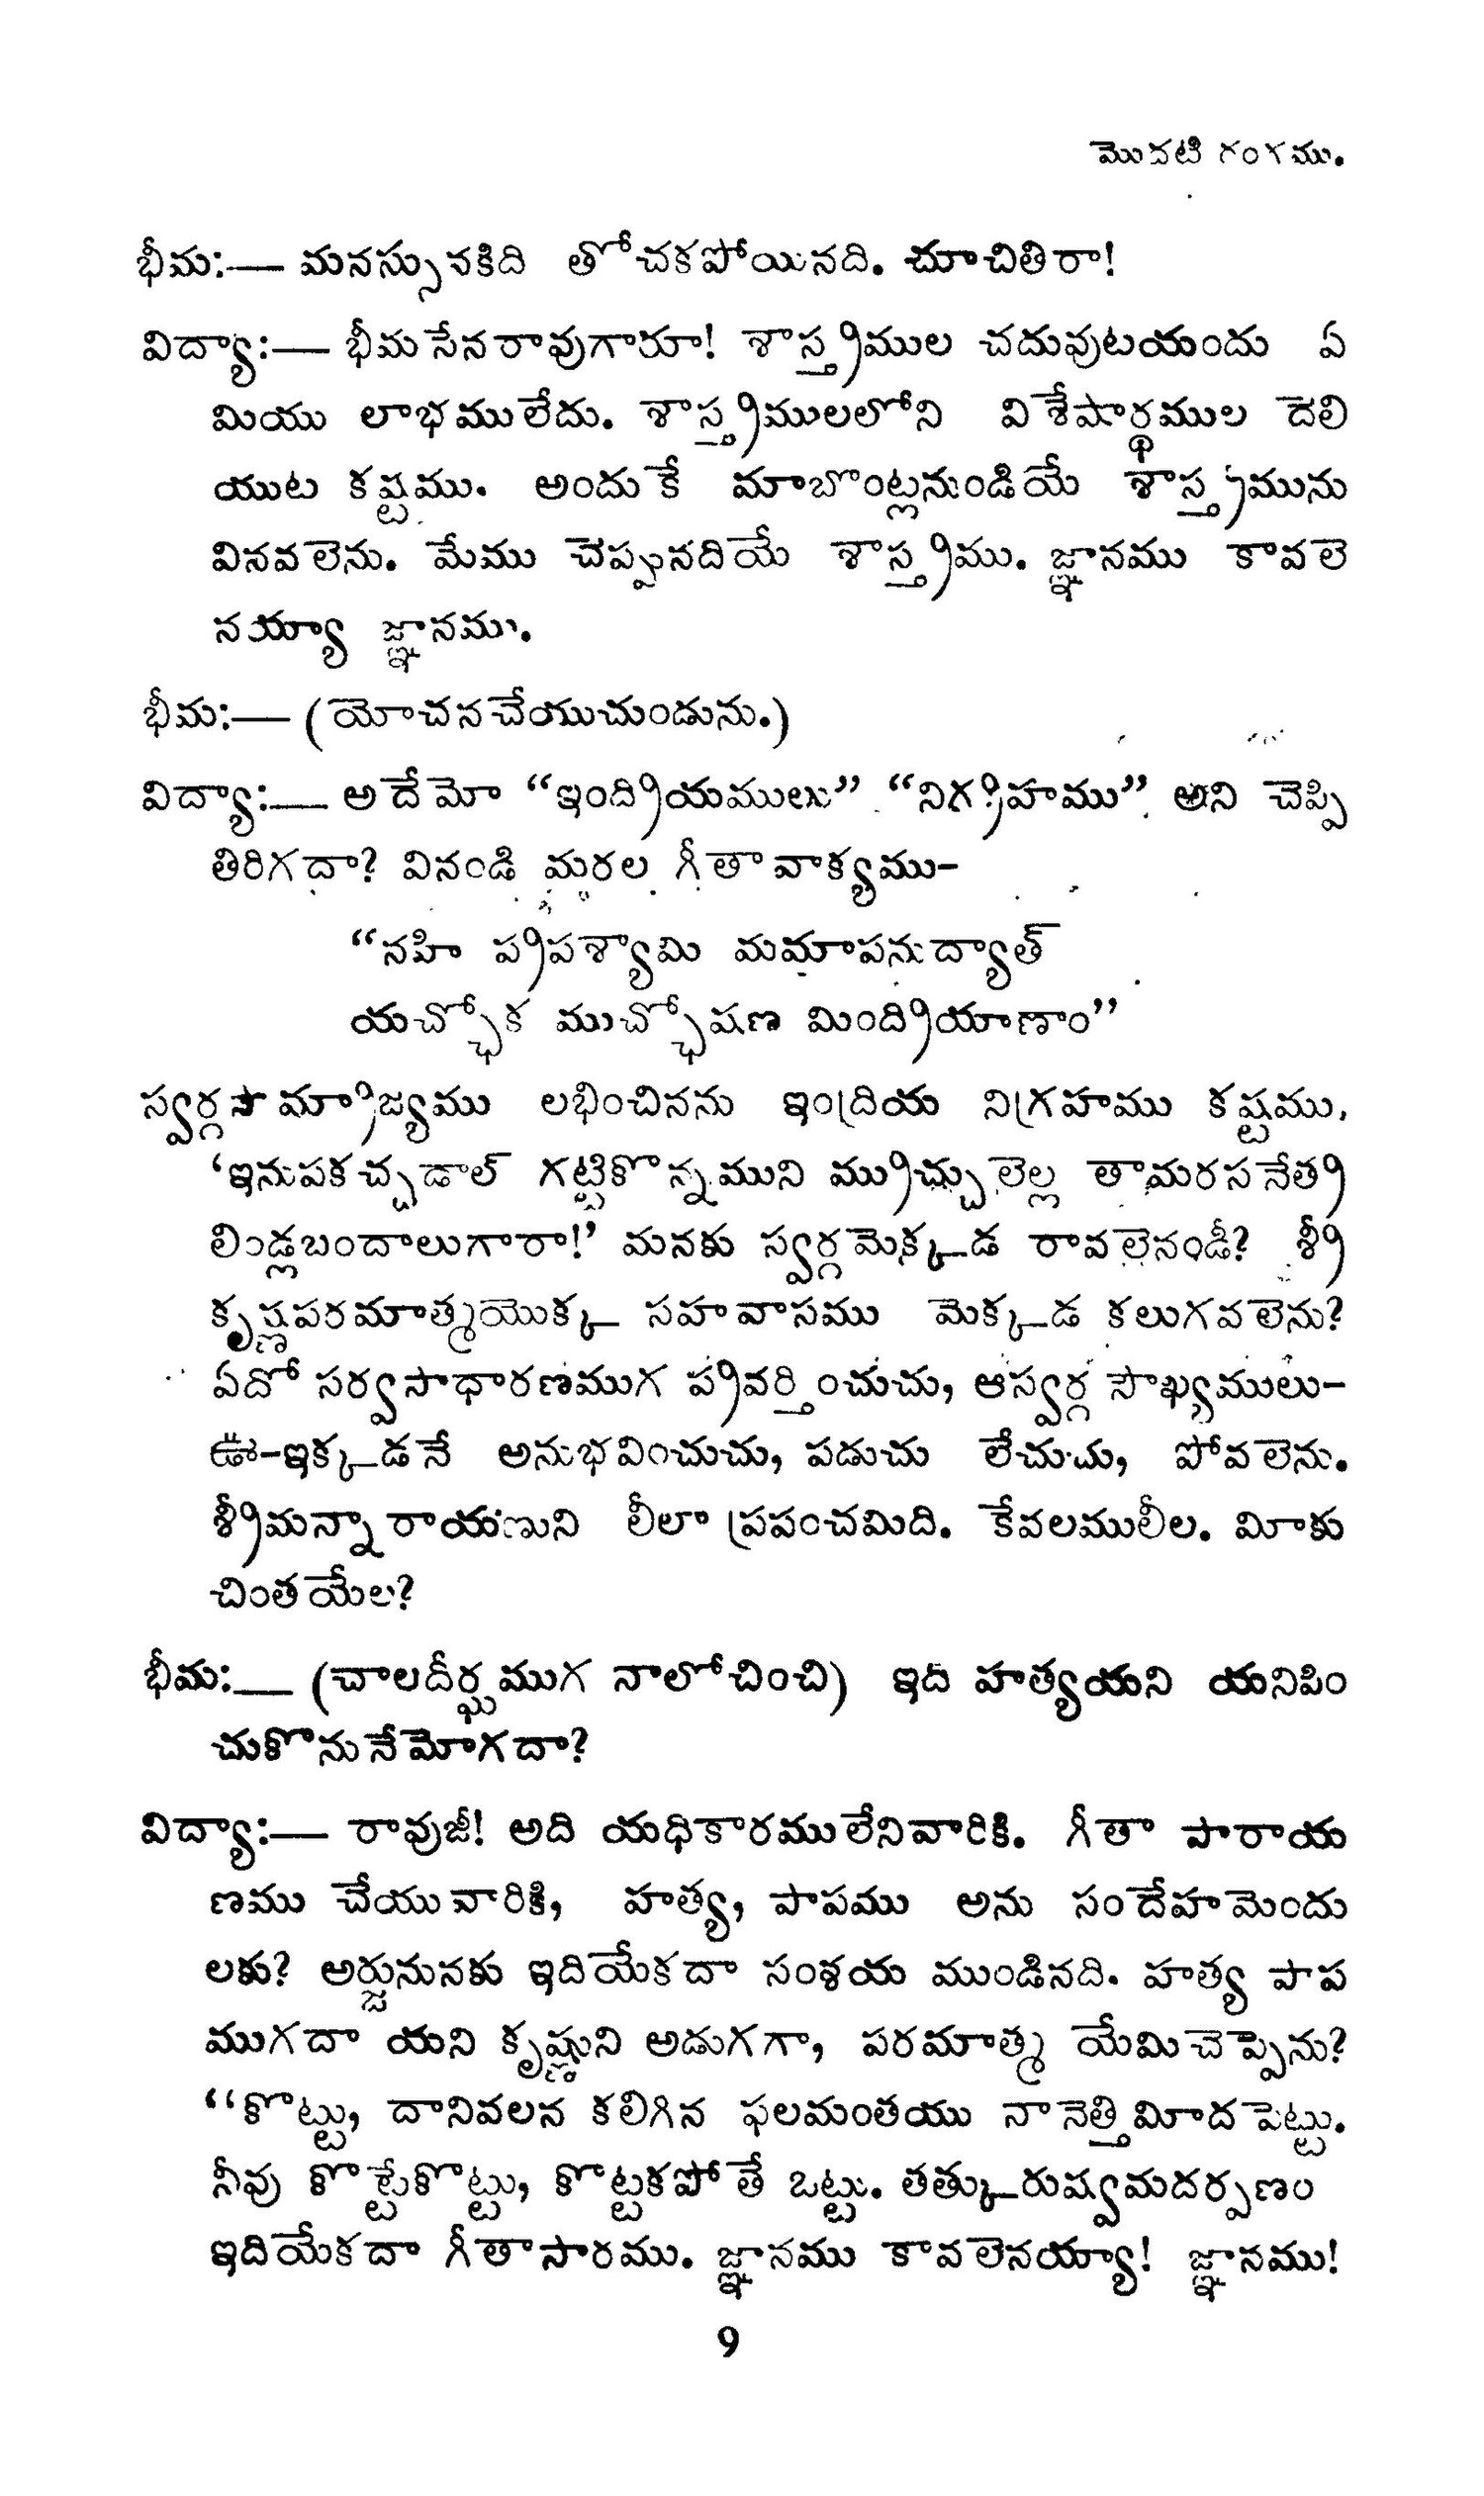భీమ:-- మనస్సునకిది తోచకపోయినది. చూచితిరా!

విద్యా:– భీమసేనరావుగారూ! శాస్త్రముల చదువుటయందు ఏమియు లాభము లేదు. శాస్త్రములలోని విశేషార్థముల దెలియుట కష్టము. అందుకే మాబోంట్లనుండియే శాస్త్రమును వినవలెను. మేము చెప్పునదియే శాస్త్రము, జ్ఞానము కావలెనయ్యా జ్ఞానము.

భీమ:- (యోచన చేయుచుండును.)

విద్యా:— అదేమో "ఇంద్రియములు” “నిగ్రహము”” అని చెప్పితిరిగదా? వినండి మరల గీతా వాక్యము-

"నహి ప్రపశ్యామి మమాపనుద్యాత్
యచ్ఛోక ముచ్ఛోషణ మిందియాగాం"

స్వర్గసామాజ్యము లభించినను ఇంద్రియ నిగ్రహము కష్టము. 'ఇనుపకచ్చడాల్ గట్టికొన్న ముని ముచ్చు లెల్ల తామరస నేత్రలిండ్ల బందాలుగారా!' మనకు స్వర్గమెక్కడ రావలెనండీ? శ్రీ కృష్ణపరమాత్మ యొక్క సహవాసము మెక్కడ కలుగవలెను? ఏదో సర్వసాధారణముగ ప్రవర్తించుచు, ఆస్వర్గ సౌఖ్యములు-
ఊ-ఇక్కడనే అనుభవించుచు, పడుచు లేచుచు, పోవలెను. శ్రీమన్నారాయణుని లీలా ప్రపంచమిది. కేవలములీల. మీకు చింతయేల?

భీమ:- (చాలదీర్ఘముగ నాలోచించి) ఇది హత్యయని యనిపించుకొనునేమోగదా?

విద్యా:- రావుజీ! అది యధికారము లేనివారికి. గీతా పారాయణము చేయు వారికి, హత్య, పాపము అను సందేహమెందులకు? అర్జునునకు ఇదియేకదా సంశయ ముండినది. హత్య పాపముగదా యని కృష్ణుని అడుగగా, పరమాత్మ యేమి చెప్పెను? "కొట్టు, దానివలన కలిగిన ఫలమంతయు నా నెత్తి మీద పెట్టు. నీవు కొట్టేకొట్టు, కొట్టకపోతే ఒట్టు. తత్కురుష్వ మదర్పణం
ఇదియేకదా గీతాసారము. జ్ఞానము కావలెనయ్యా! జ్ఞానము!